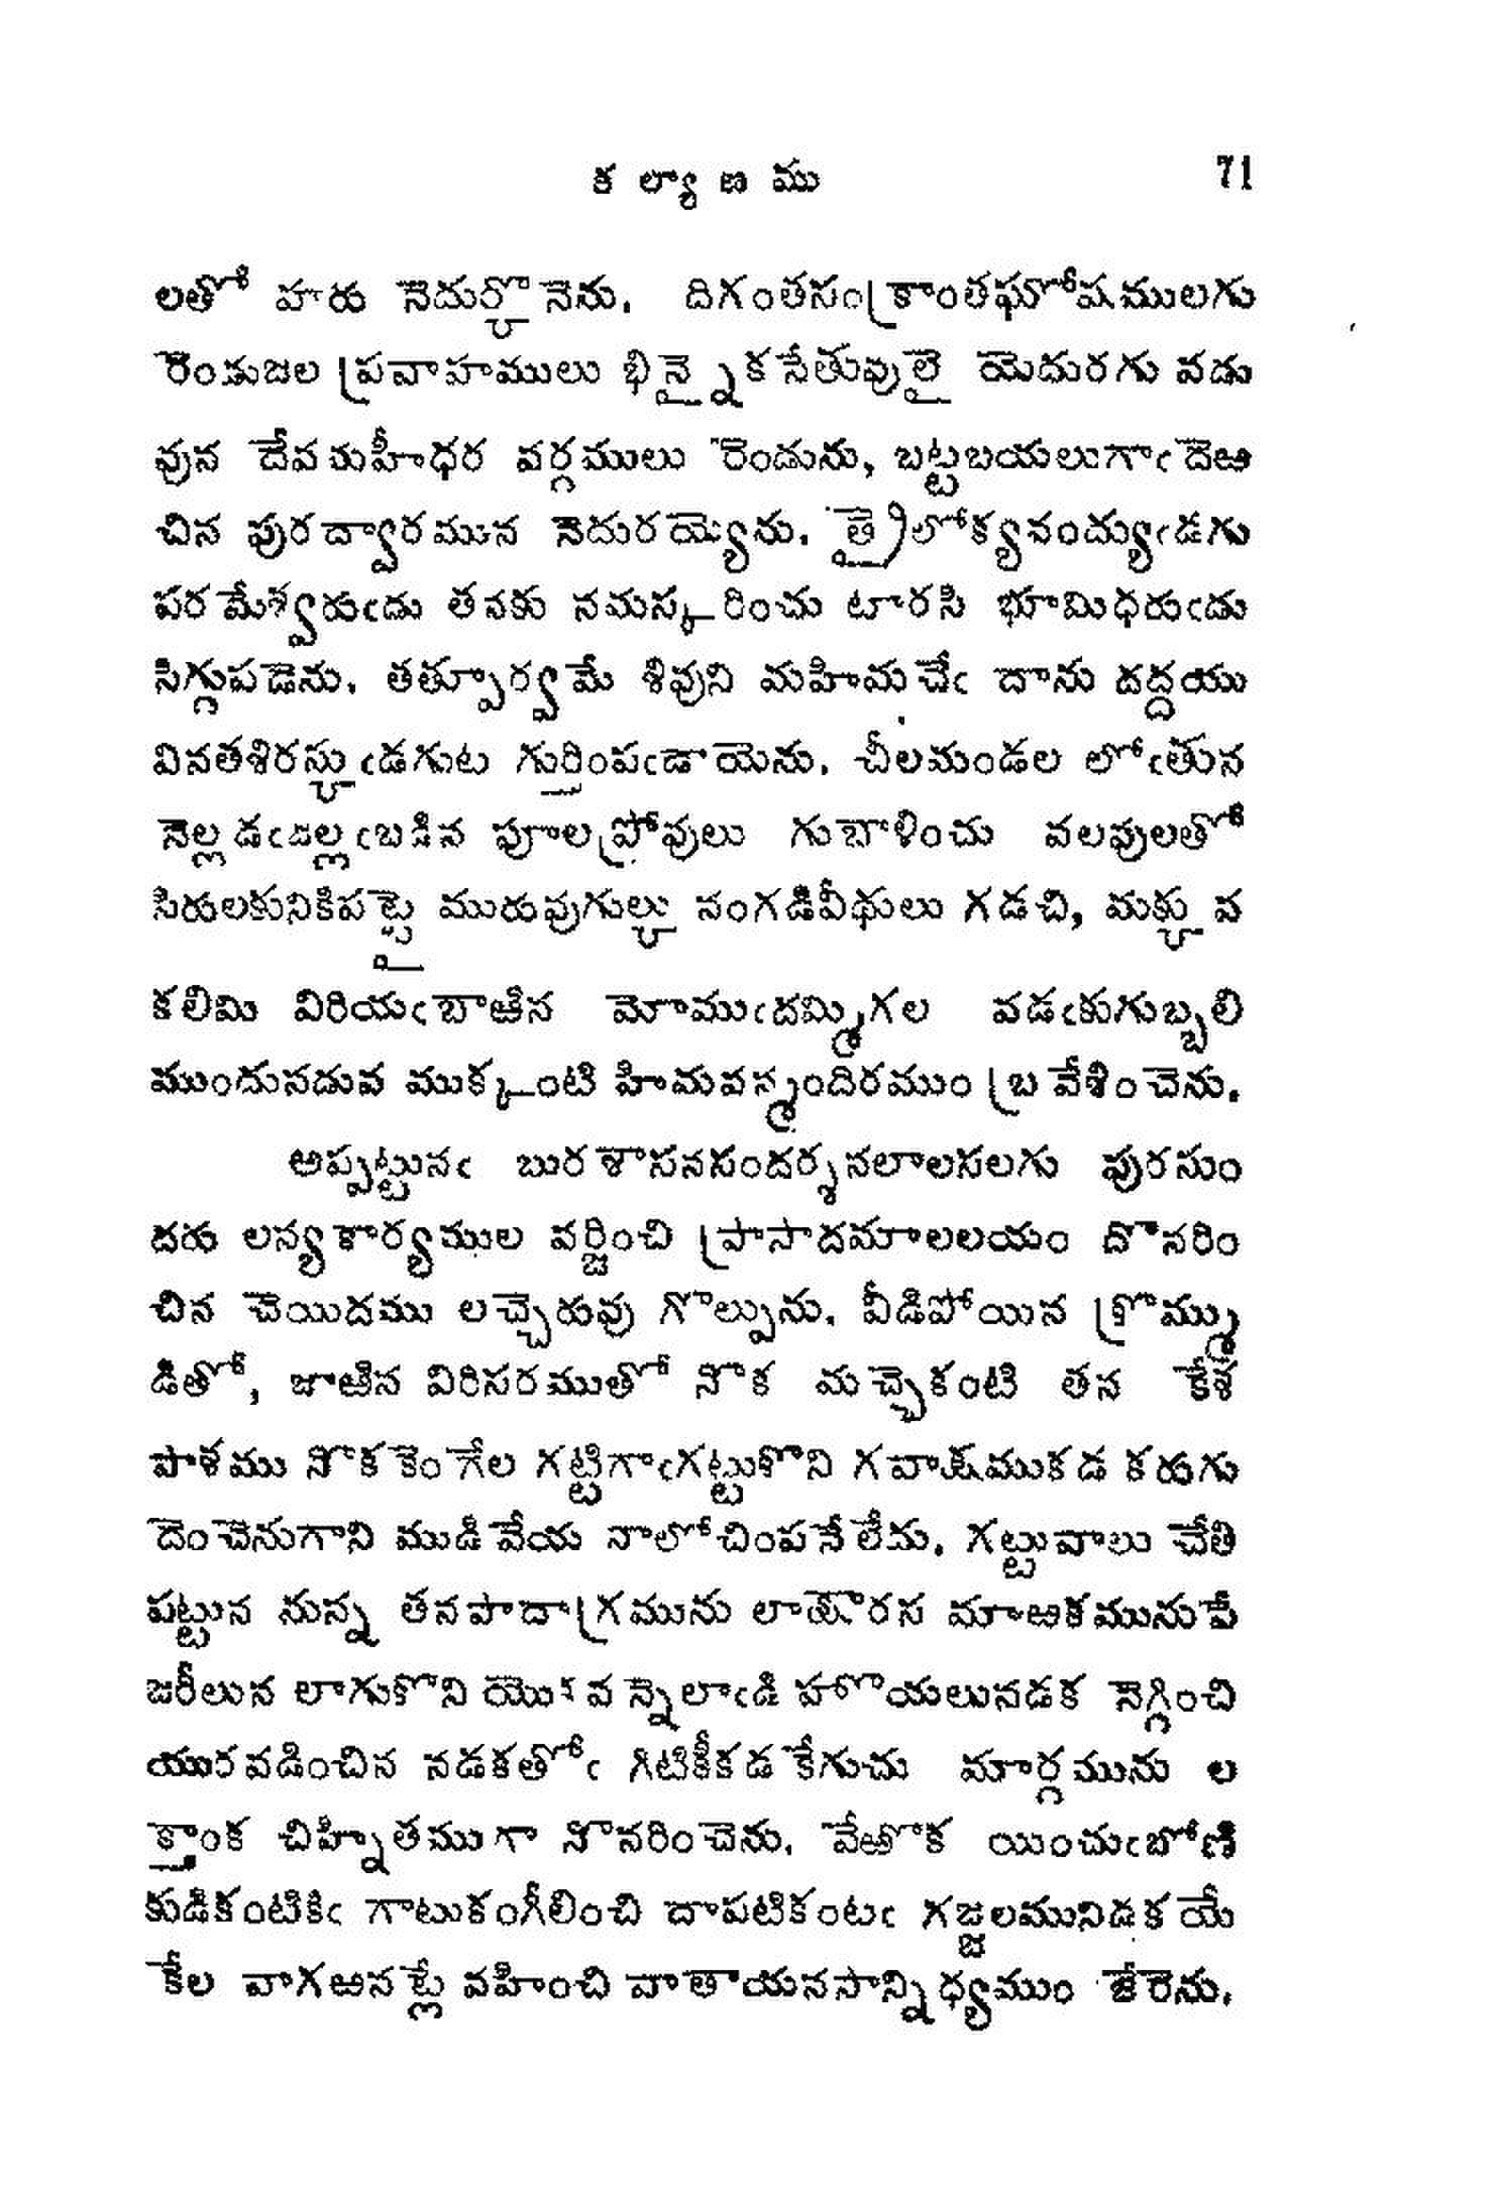లతో హరు నెదుర్కొనెను, దిగంతసంక్రాంతఘోషములగు రెండుజల ప్రవాహములు భిన్నైకసేతువులై యెదురగు వడువున దేవమహీధర వర్గములు రెండును, బట్టబయలుగాఁదెఱచిన పురద్వారమున నెదురయ్యెను. త్రైలోక్య వంద్యుఁడగు
పరమేశ్వరుఁడు తనకు నమస్కరించు టారసి భూమిధరుఁడు సిగ్గుపడెను. తత్పూర్వమే శివుని మహిమచేఁ దాను దద్దయు
వినతశిరస్కుఁడగుట గుర్తింపఁడాయెను, చీలమండల లోఁతున నెల్లడఁడల్లఁబడిన పూలప్రోవులు గుబాళించు వలవులతో
సిరులకునికిపట్పై మురువుగుల్కు నంగడివీథులు గడచి, మక్కువ కలిమి విరియఁబాఱిన మోముఁదమ్మిగల వడఁకుగుబ్బలి
ముందునడువ ముక్కంటి హిమవన్మందిరముం బ్రవేశించెను.

అప్పట్టునఁ బుర శాసన సందర్శనలాలసలగు పురసుందరు లన్య కార్యముల వర్ణించి ప్రాసాదమాలలయం దొనరించిన చెయిదము లచ్చెరువు గొల్పును, వీడిపోయిన క్రొమ్ముడితో, జాఱిన విరిసరముతో నొక మచ్చెకంటి తన కేశపాశము నొక కెంగేల గట్టిగాఁ గట్టుకొని గవాక్షముకడ కరుగు దెంచెనుగాని ముడి వేయ నాలోచింపనేలేదు. గట్టువాలు చేతి పట్టున నున్న తన పాదాగ్రమును లాక్షారస మాఱకమునుపే జరీలున లాగుకొని యొకవన్నెలాఁడి హొయలునడక నెగ్గించి యురవడించిన నడకతోఁ గిటికీకడకేగుచు మార్గమును లక్తాంక చిహ్నితముగా నొనరించెను. వేఱోక యించుఁబోణి కుడికంటికిఁ గాటు కంగీలించి దాపటికంటఁ గజ్జలమునిడక యే కేల వాగఱనట్లే వహించి వాతాయనసాన్నిధ్యముం జేరెను.